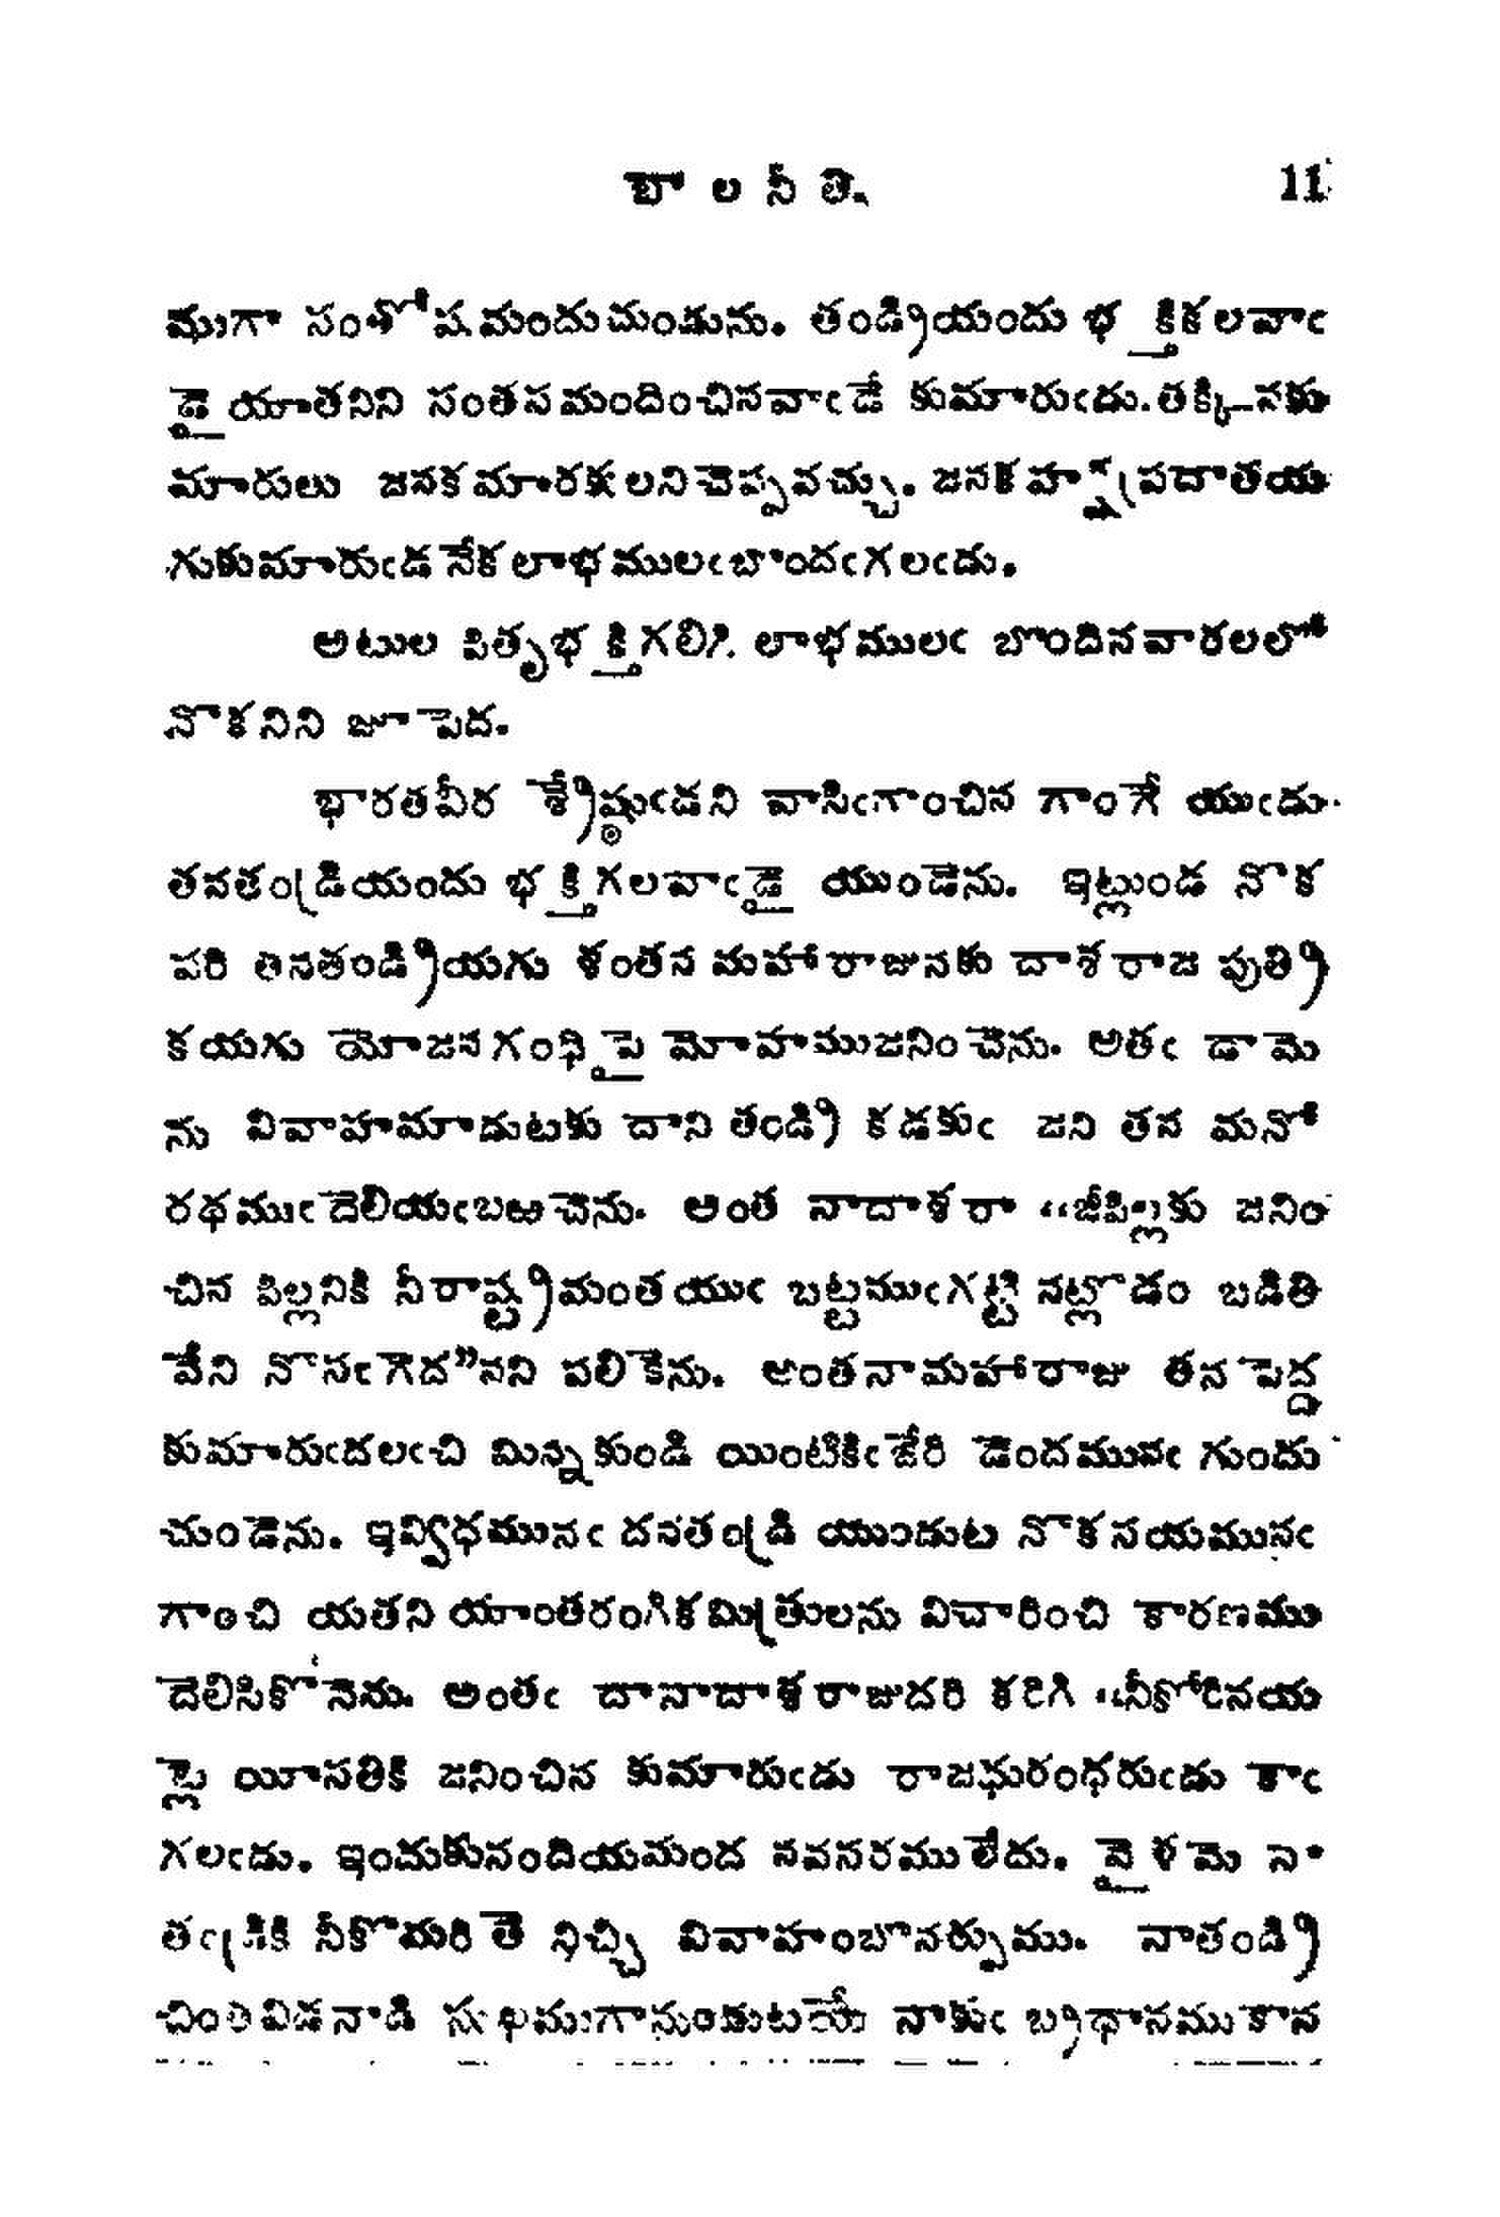ముగా సంతోషమందుచుండును తండ్రియందు భక్తికలవాఁ
డై యాతనిని సంతసమందించినవాఁడే కుమారుఁడు తక్కినకు
మారులు జనకమారకులనిచెప్పవచ్చు. జనకహర్షప్రదాతయ
గుమారుఁడనేక లాభములఁబొందఁగలఁడు.

అటుల పితృభక్తిగలిగి లాభములఁ బొందినవారలలో 
నొకనిని జూపెద.
 
భారతవీర శ్రేష్ఠుఁడని వాసిఁగాంచిన గాంగే యుఁడు. 
తనతండ్రియందు భక్తిగలవాఁడై యుండెను. ఇట్లుండ నొక
పరి తనతండ్రియగు శంతన మహారాజునకు దాశరాజ పుత్రి
కయగు యోజనగంధిపై మోహముజనించెను.అతఁ డామె
ను వివాహమాడుటకు దాని తండ్రి కడకుఁ జని తన మనో
రథముఁదెలియఁబఱచెను. అంత నాదాశరా "జీపిల్లకు జనిం
చిన పిల్లనికి నీరాష్ట్రమంతయుఁ బట్టముఁగట్టి నట్లొడం బడితి
వేని నొసఁగెద"నని పలికెను. అంతనామహారాజు తన పెద్ద
కుమారుఁదలఁచి మిన్నకుండి యింటికిఁజేరి డెందమునఁ గుందు 
చుండెను. ఇవ్విధమునఁ దనతండ్రి యుండుట నొకసమయమునఁ 
గాంచి యతని యాంతరంగికమిత్రులను విచారించి కారణము
దెలిసికొనెను. అంతఁ దానాదాశరాజుదరి కరిగి "నీకోరినయ
ట్లె యీసతికి జనించిన కుమారుఁడు రాజధురంధరుఁడు కాఁ
గలఁడు. ఇందుకుసందియమంద నవసరములేదు. వైళమె నా 
తండ్రికి నీకొమరితె నిచ్చి వివాహంబొనర్పుము. నాతండ్రి 
చింతవిడనాడి సుఖముగానుండిటయే నాకుఁ బ్రధానము కాన